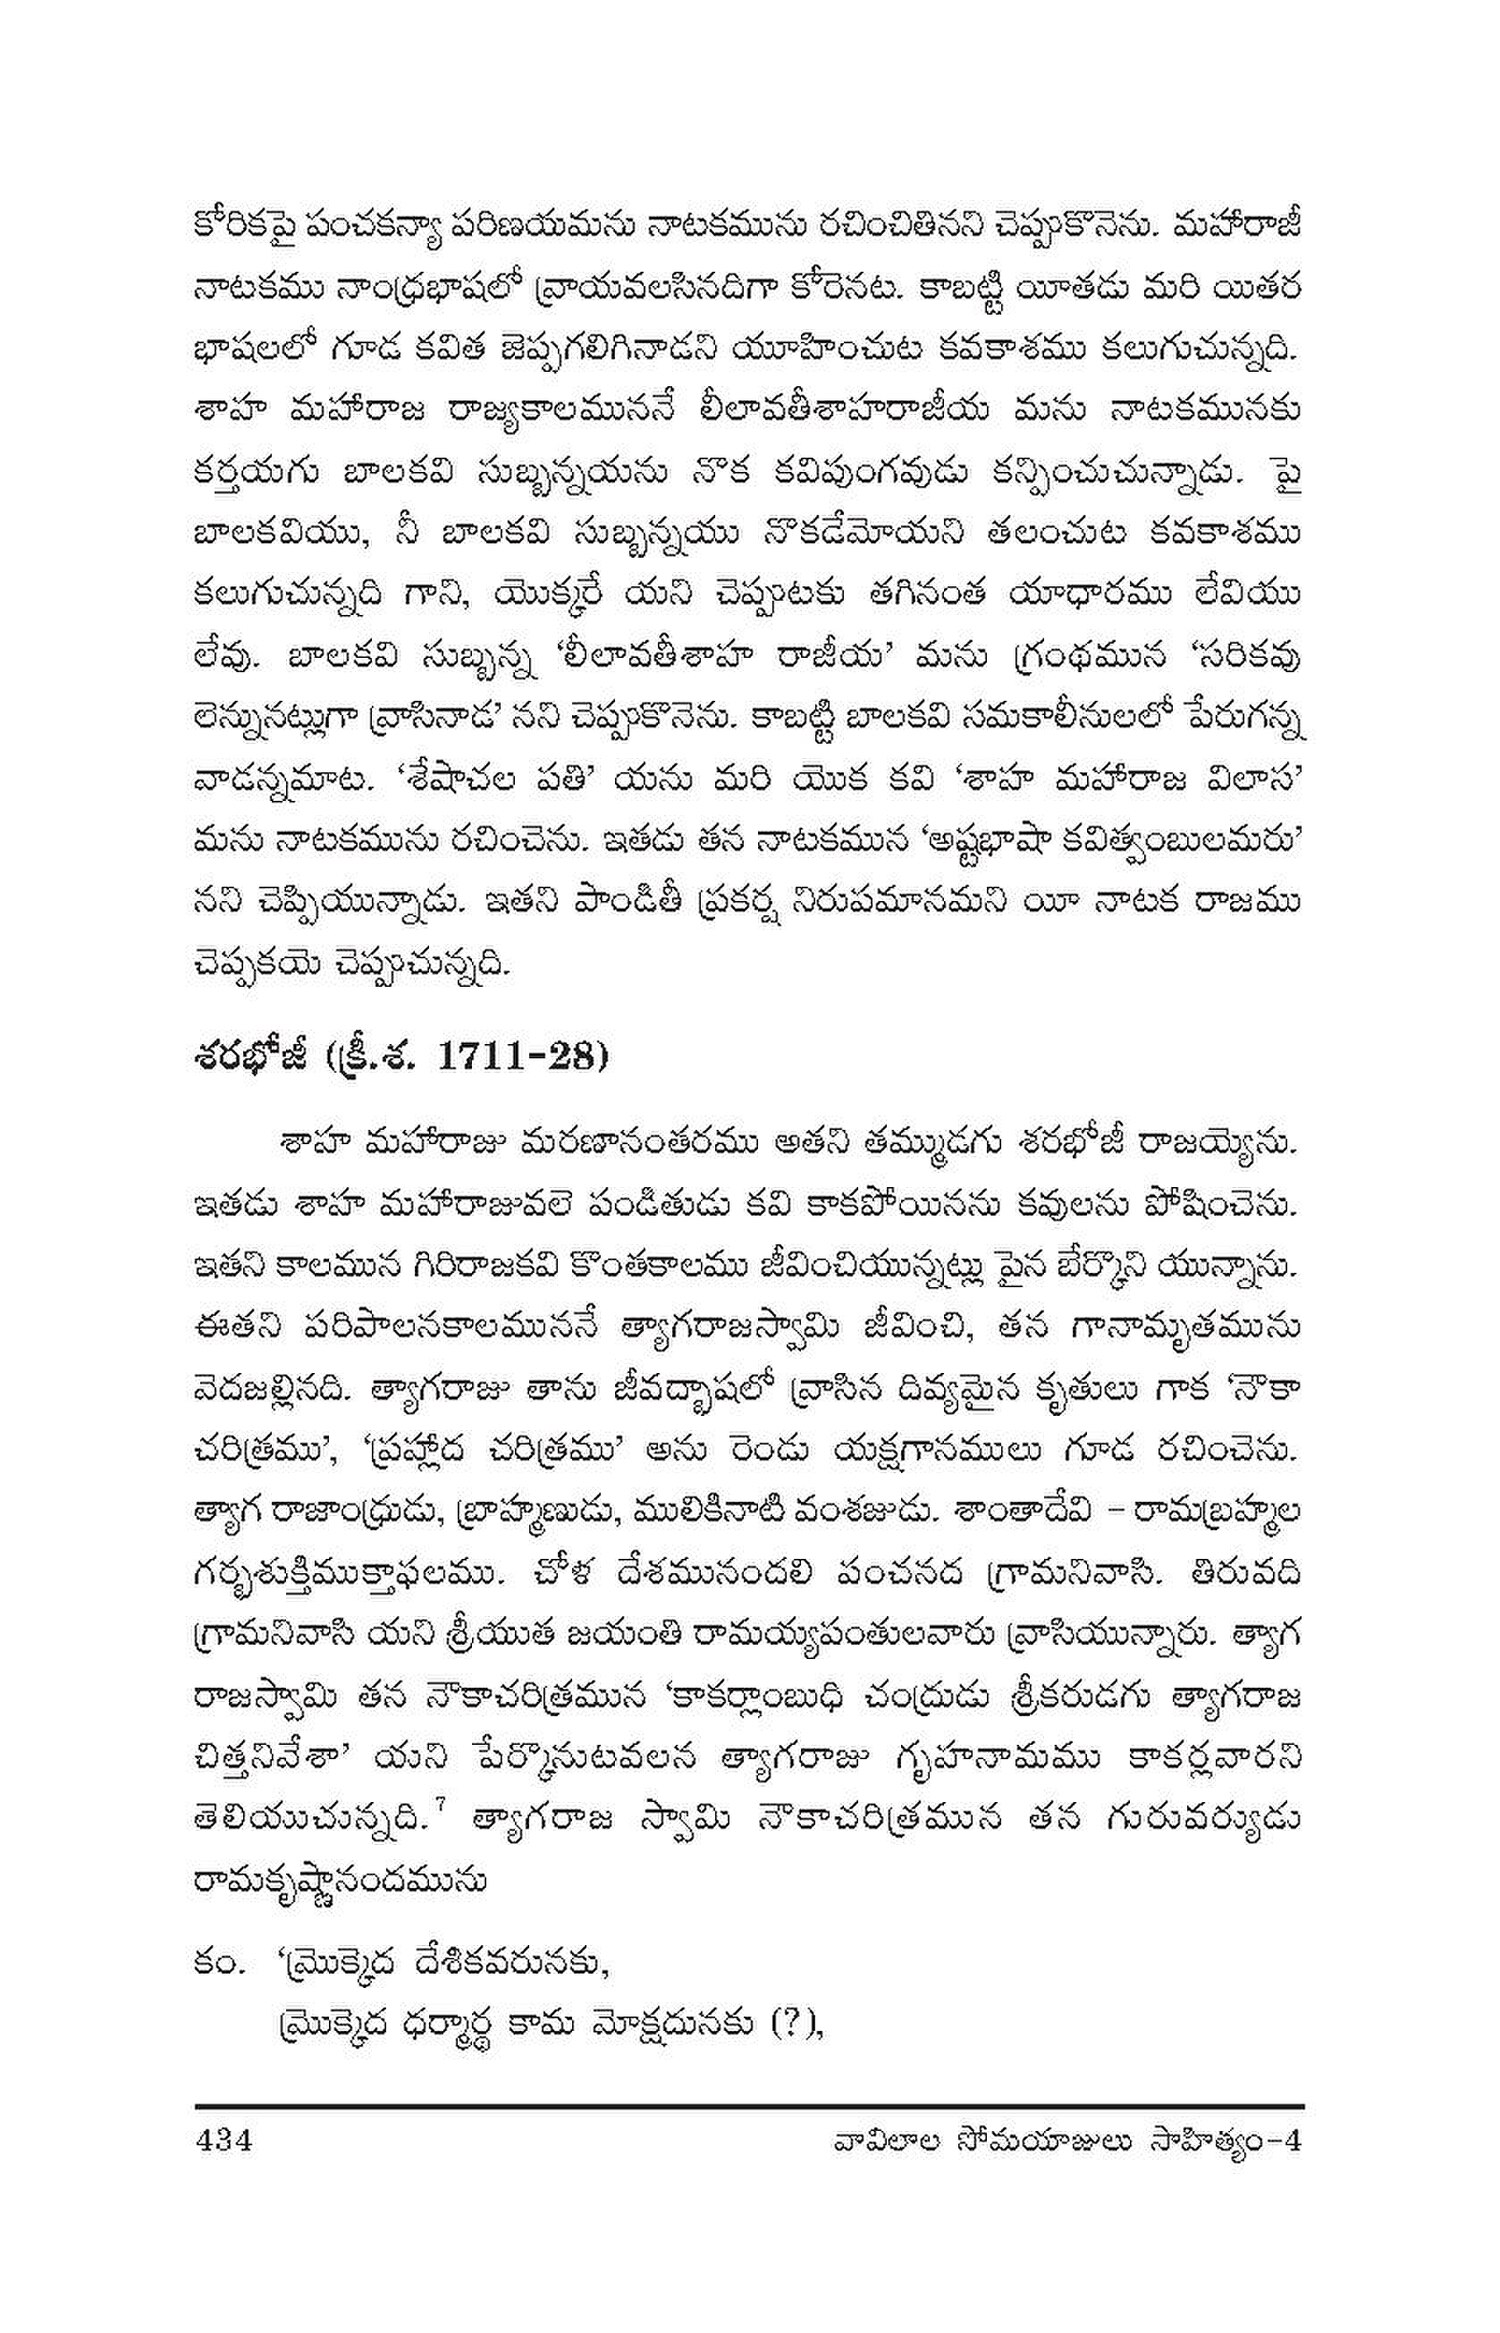కోరికపై పంచకన్యా పరిణయమను నాటకమును రచించితినని చెప్పుకొనెను. మహారాజీ నాటకము నాంధ్రభాషలో వ్రాయవలసినదిగా కోరెనట. కాబట్టి యీతడు మరి యితర భాషలలో గూడ కవిత జెప్పగలిగినాడని యూహించుట కవకాశము కలుగుచున్నది. శాహ మహారాజ రాజ్యకాలముననే లీలావతీశాహరాజీయ మను నాటకమునకు కర్తయగు బాలకవి సుబ్బన్నయను నొక కవిపుంగవుడు కన్పించుచున్నాడు. పై బాలకవియు, నీ బాలకవి సుబ్బన్నయు నొకడేమోయని తలంచుట కవకాశము
కలుగుచున్నది గాని, యొక్కరే యని చెప్పుటకు తగినంత యాధారము లేవియు లేవు. బాలకవి సుబ్బన్న 'లీలావతీశాహ రాజీయ' మను గ్రంథమున 'సరికవు లెన్నునట్లుగా వ్రాసినాడ’ నని చెప్పుకొనెను. కాబట్టి బాలకవి సమకాలీనులలో పేరుగన్న వాడన్నమాట. 'శేషాచల పతి' యను మరి యొక కవి 'శాహ మహారాజ విలాస' మను నాటకమును రచించెను. ఇతడు తన నాటకమున 'అష్టభాషా కవిత్వంబులమరు' నని చెప్పియున్నాడు. ఇతని పాండితీ ప్రకర్ష నిరుపమానమని యీ నాటక రాజము చెప్పకయె చెప్పుచున్నది.

శరభోజీ (క్రీ.శ. 1711-28)

శాహ మహారాజు మరణానంతరము అతని తమ్ముడగు శరభోజీ రాజయ్యెను. ఇతడు శాహ మహారాజువలె పండితుడు కవి కాకపోయినను కవులను పోషించెను. ఇతని కాలమున గిరిరాజకవి కొంతకాలము జీవించియున్నట్లు పైన బేర్కొని యున్నాను. ఈతని పరిపాలనకాలముననే త్యాగరాజస్వామి జీవించి, తన గానామృతమును వెదజల్లినది. త్యాగరాజు తాను జీవద్భాషలో వ్రాసిన దివ్యమైన కృతులు గాక 'నౌకాచరిత్రము', 'ప్రహ్లాద చరిత్రము' అను రెండు యక్షగానములు గూడ రచించెను. త్యాగ రాజాంధ్రుడు, బ్రాహ్మణుడు, ములికినాటి వంశజుడు. శాంతాదేవి - రామబ్రహ్మల గర్భశుక్తిముక్తాఫలము. చోళ దేశమునందలి పంచనద గ్రామనివాసి. తిరువది గ్రామనివాసి యని శ్రీయుత జయంతి రామయ్యపంతులవారు వ్రాసియున్నారు. త్యాగ రాజస్వామి తన నౌకాచరిత్రమున 'కాకర్లాంబుధి చంద్రుడు శ్రీకరుడగు త్యాగరాజ చిత్తనివేశా' యని పేర్కొనుటవలన త్యాగరాజు గృహనామము కాకర్లవారని
తెలియుచున్నది.' త్యాగరాజ స్వామి నౌకాచరిత్రమున తన గురువర్యుడు రామకృష్ణానందమును

 కం. 'మ్రొక్కెద దేశికవరునకు,
 మ్రొక్కెద ధర్మార్థ కామ మోక్షదునకు (?),